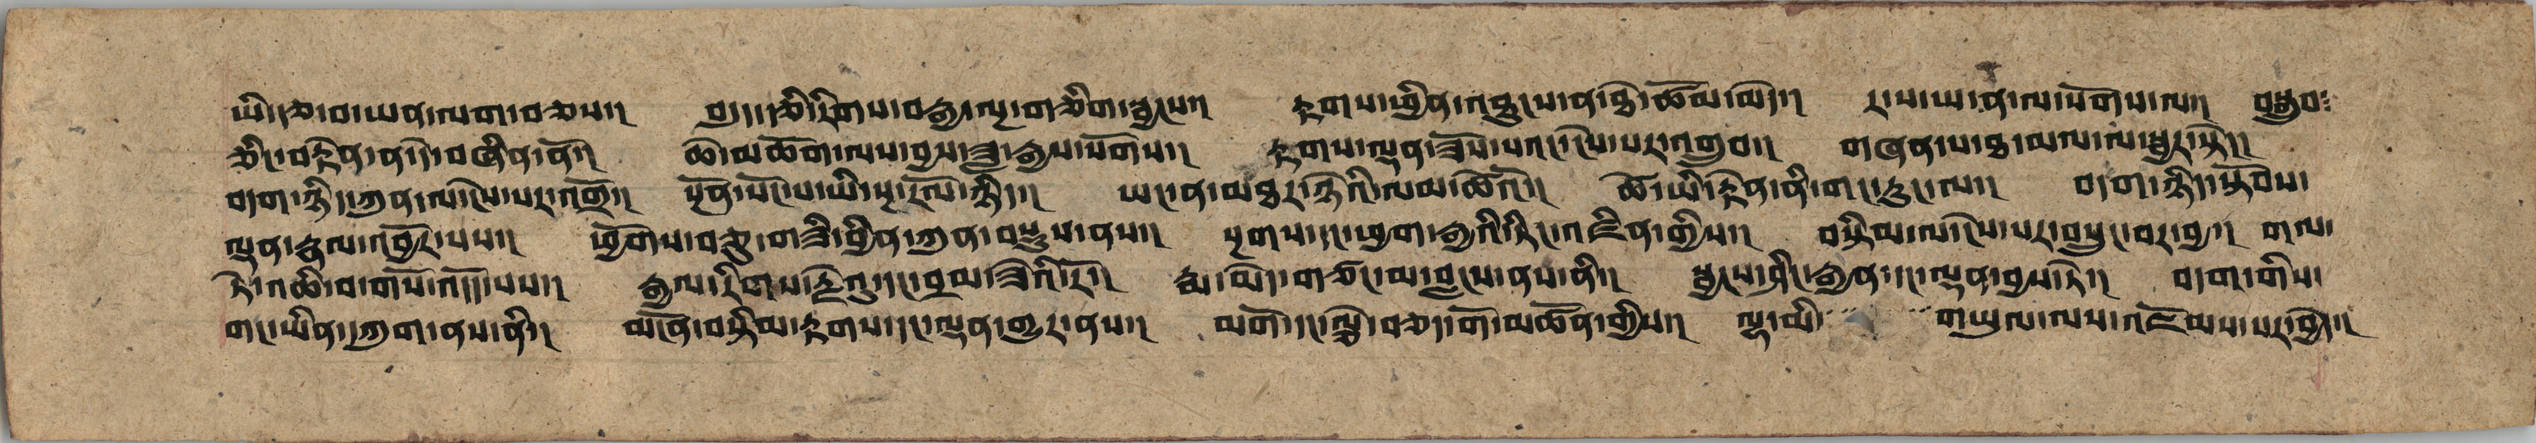ཡིད་རྩ་བ་ཡན་ལག་བཅས་། བདུད་རྩི་རིགས་བརྒྱ་ལྔ་གཅིག་སྦྱངས་། རྟགས་ཕྱིན་འཐུངས་ན་ཐེ་ཚོམ་མེད་། ར་ས་ཡ་ན་ལ་སོགས་ལ་། བསྒྲུབ་
ཅིང་བརྟེན་ན་དེ་བཞིན་ནོ་། ཆེ་མཆོག་ལས་བྱས་ཟླ་རྒྱས་སོགས་། རྟགས་ལྡན་ཟོས་པའང་ངེས་པར་འགྲུབ་། གཞན་པ་ཐ་མལ་ལ་སྦྱར་སྟེ་།
བདག་ཉིད་ཀུན་ལ་ངེས་པར་འགྲོ་། སྔོན་སོང་པ་ཡི་སྔ་རོལ་ཉིད་། ཡང་ན་མཐར་ཉེའི་ལམ་ཚེའོ་། ཚེ་ཡི་རྟེན་ནི་གང་རུང་ལ་། བདག་ཉིད་སྟོབས་
ལྡན་རྣལ་འབྱོར་པས་། ཕྱོགས་བཅུ་གཟི་བྱིན་ཀུན་བསྡུས་ནས་། སྔགས་དང་ཕྱག་རྒྱའི་ཏིང་འཛིན་གྱིས་། བསྟིམ་ལ་ངེས་པར་བསྲུང་བར་བྱ་། གལ་
ཏེ་འཆི་བ་གསོ་འདོད་པས་། རྒྱལ་རིགས་རྗེའུ་དང་བྲམ་ཟེའི་རོ་། རྨ་མེད་གཙང་མ་བླངས་ནས་ནི་། སྦྱངས་ཤིང་རྒྱན་དང་ལྡན་བྱས་ཏེ་། བདག་གིས་
གང་ཡིན་དཀུག་ནས་ནི་། མངོན་བསྟིམ་རྟགས་དང་ལྡན་གྱུར་ནས་། མགོ་དང་ལྕེ་བཅད་གོ་མཚོན་གྱིས་། ལྷ་མི་་་་་་གཡུལ་ལས་འཇོམས་པར་བྱེད་།